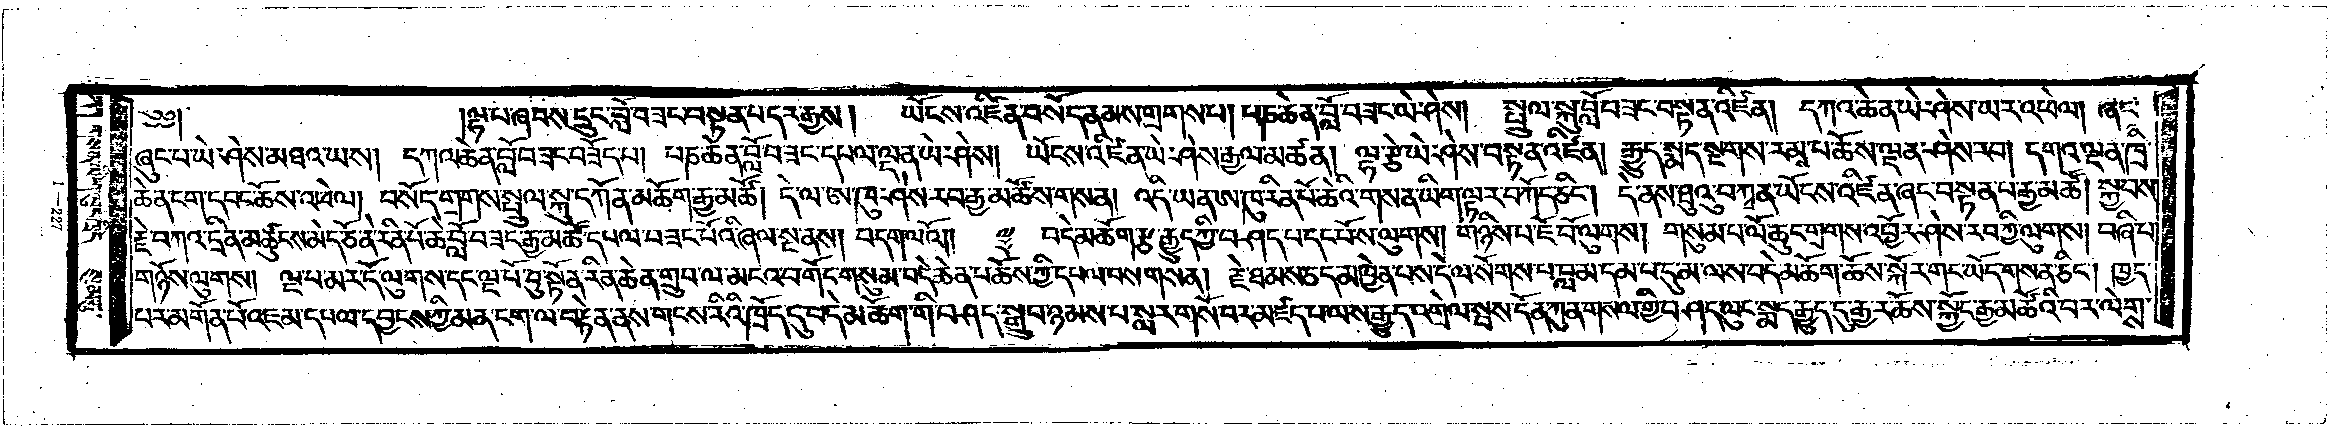༄༅། །ལྟ་པ་ཞབས་དྲུང་བློ་བཟང་བསྟན་པ་དར་རྒྱས། ཡོངས་འཛིན་བསོད་ནམས་གྲགས་པ། པཎ་ཆེན་བློ་བཟང་ཡེ་ཤེས། སྤྲུལ་སྐུ་བློ་བཟང་བསྟན་འཛིན། དཀའ་ཆེན་ཡེ་ཤེས་ཡར་འཕེལ། ཞང་
ཞུང་པ་ཡེ་ཤེས་མཐའ་ཡས། དཀའ་ཆེན་བློ་བཟང་བཟོད་པ། པཎ་ཆེན་བློ་བཟང་དཔལ་ལྡན་ཡེ་ཤེས། ཡོངས་འཛིན་ཡེ་ཤེས་རྒྱལ་མཚན། ལྷ་རྩེ་ཡེ་ཤེས་བསྟན་འཛིན། རྒྱུད་སྨད་སྔགས་རམས་པ་ཆོས་ལྡན་ཤེས་རབ། དགའ་ལྡན་ཁྲི་
ཆེན་ངག་དབང་ཆོས་འཕེལ། བསོད་གྲགས་སྤྲུལ་སྐུ་དཀོན་མཆོག་རྒྱ་མཚོ། དེ་ལ་ཨ་ཁུ་ཤེས་རབ་རྒྱ་མཚོས་གསན། འདི་ཡན་ཨ་ཁུ་རིན་པོ་ཆེའི་གསན་ཡིག་ལྟར་བཀོད་ཅིང་། དེ་ནས་ཐུའུ་བཀྭན་ཡོངས་འཛིན་ཞང་བསྟན་པ་རྒྱ་མཚོ། སྐྱབས་
རྗེ་བཀའ་དྲིན་མཚུངས་མེད་ཅོ་ནེ་རིན་པོ་ཆེ་བློ་བཟང་རྒྱ་མཚོ་དཔལ་བཟང་པོའི་ཞལ་སྔ་ནས། བདག་ལའོ།། འ་བདེ་མཆོག་རྩ་རྒྱུད་ཀྱི་བཤད་པ་དང་པོས་ལུགས། གཉིས་པ་ཇོ་བོ་ལུགས། གསུམ་པ་ལོ་ཆུང་གྲགས་འབྱོར་ཤེས་རབ་ཀྱི་ལུགས། བཞི་པ་
གཉོས་ལུགས། ལྔ་པ་མར་དོ་ལུགས་དང་ལྔ་པོ་བུ་སྟོན་རིན་ཆེན་གྲུབ་ལ་མངའ་བ་གོང་གསུམ་བདེ་ཆེན་པ་ཆོས་ཀྱི་དཔལ་བསགས་ན། རྗེ་ཐམས་ཅད་མཁྱེན་པས་དེ་ལ་སོགས་པ་བླ་མ་དམ་པ་དུ་མ་ལས་བདེ་མཆོག་ཆོས་སྐོར་གང་ཡོད་གསན་ཅིང་། ཁྱད་
པར་མགོན་པོ་འཇམ་དཔལ་དབྱངས་ཀྱི་མན་ངག་ལ་བརྟེན་ནས་གངས་རིའི་ཁྲོད་དུ་བདེ་མཆོག་གི་བཤད་སྒྲུབ་ཉམས་པ་སླར་གསོ་བར་མཛད་པ་ལས་རྒྱུད་འགྲེལ་སྦས་དོན་ཀུན་གསལ་གྱི་བཤད་ལུང་སྨད་རྒྱུད་དུ་རྒྱ་ར་ཆོས་སྐྱོང་རྒྱ་མཚོའི་བར་ལེགས་